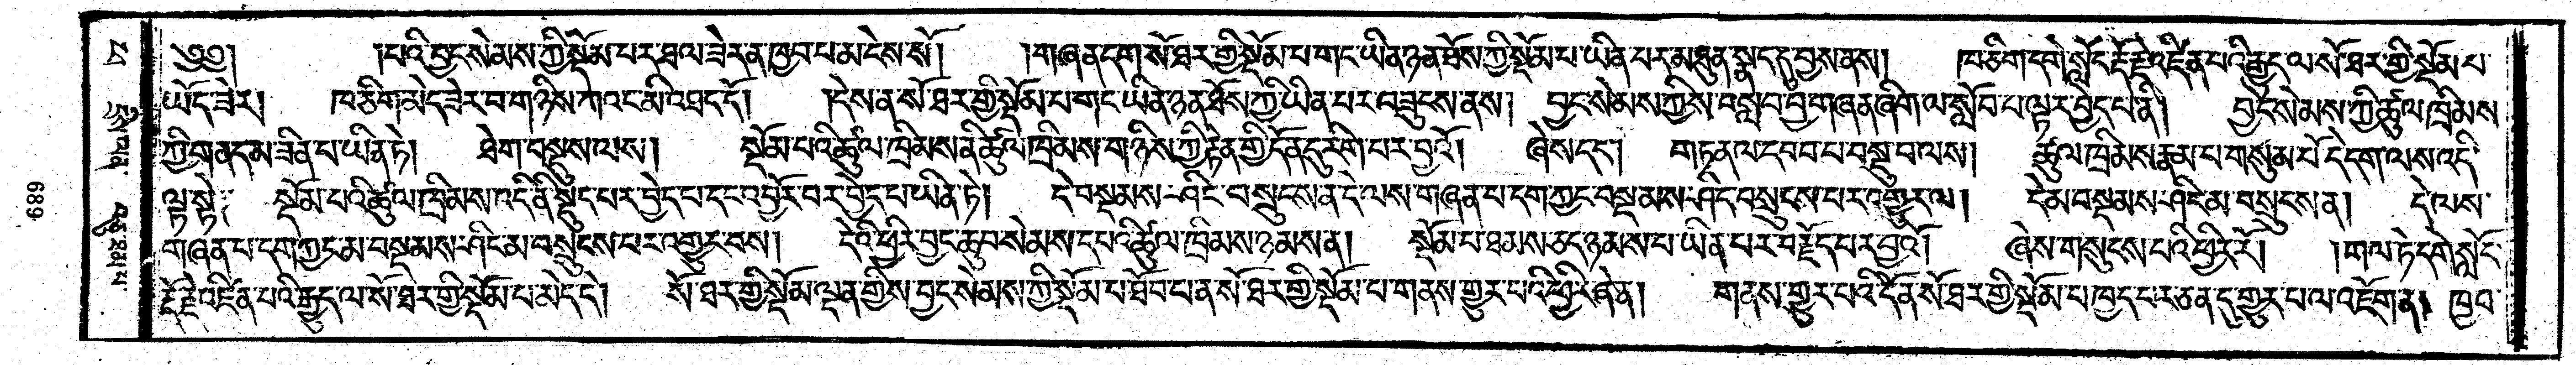༄༅། །པའི་བྱང་སེམས་ཀྱི་སྡོམ་པར་ཐལ་ཟེར་ན་ཁྱབ་པ་མ་ངེས་སོ། །གཞན་དག་སོ་ཐར་གྱི་སྡོམ་པ་གང་ཡིན་ཉན་ཐོས་ཀྱི་སྡོམ་པ་ཡིན་པར་མཐུན་སྣང་དུ་བྱས་ནས། ཁ་ཅིག་དགེ་སློང་རྡོ་རྗེ་འཛིན་པའི་རྒྱུད་ལ་སོ་ཐར་གྱི་སྡོམ་པ་
ཡོད་ཟེར། ཁ་ཅིག་མེད་ཟེར་བ་གཉིས་ཀའང་མི་འཐད་དོ། །དེས་ན་སོ་ཐར་གྱི་སྡོམ་པ་གང་ཡིན་ཉན་ཐོས་ཀྱི་ཡིན་པར་བཟུངས་ནས། བྱང་སེམས་ཀྱིས་བསླབ་བྱ་གཞན་ཞིག་ལ་སློབ་པ་ལྟར་བྱེད་པ་ནི། བྱང་སེམས་ཀྱི་ཚུལ་ཁྲིམས་
ཀྱི་གནད་མ་ཟིན་པ་ཡིན་ཏེ། ཐེག་བསྡུས་ལས། སྡོམ་པའི་ཚུལ་ཁྲིམས་ནི་ཚུལ་ཁྲིམས་གཉིས་ཀྱི་རྟེན་གྱི་དོན་དུ་རིག་པར་བྱའོ། ཞེས་དང་། གཏན་ལ་དབབ་པ་བསྡུ་བ་ལས། ཚུལ་ཁྲིམས་རྣམ་པ་གསུམ་པོ་དེ་དག་ལས་འདི་
ལྟ་སྟེ༑ སྡོམ་པའི་ཚུལ་ཁྲིམས་འདི་ནི་སྡུད་པར་བྱེད་པ་དང་འབྱོར་བར་བྱེད་པ་ཡིན་ཏེ། དེ་བསྔམས་ཤིང་བསྲུངས་ན་དེ་ལས་གཞན་པ་དག་ཀྱང་བསྔམས་ཤིང་བསྲུངས་པར་འགྱུར་ལ། དེམ་བསྔམས་ཤིང་མ་བསྲུངས་ན། དེ་ལས་
གཞན་པ་དག་ཀྱང་མ་བསྡམས་ཤིང་མ་བསྲུངས་པར་འགྱུར་བས། དེའི་ཕྱིར་བྱང་ཆུབ་སེམས་དཔའི་ཚུལ་ཁྲིམས་ཉམས་ན། སྡོམ་པ་ཐམས་ཅད་ཉམས་པ་ཡིན་པར་བརྗོད་པར་བྱའོ། ཞེས་གསུངས་པའི་ཕྱིར་རོ། །གལ་ཏེ་དགེ་སློང་
རྡོ་རྗེ་འཛིན་པའི་རྒྱུད་ལ་སོ་ཐར་གྱི་སྡོམ་པ་མེད་དེ། སོ་ཐར་གྱི་སྡོམ་ལྡན་གྱིས་བྱང་སེམས་ཀྱི་སྡོམ་པ་ཐོབ་པ་ན་སོ་ཐར་གྱི་སྡོམ་པ་གནས་གྱུར་པའི་ཕྱིར་ཞེ་ན། གནས་གྱུར་པའི་དོན་སོ་ཐར་གྱི་སྡོམ་པ་ཁྱད་པར་ཅན་དུ་གྱུར་པ་ལ་འཇོག་ན། ཁྱབ་